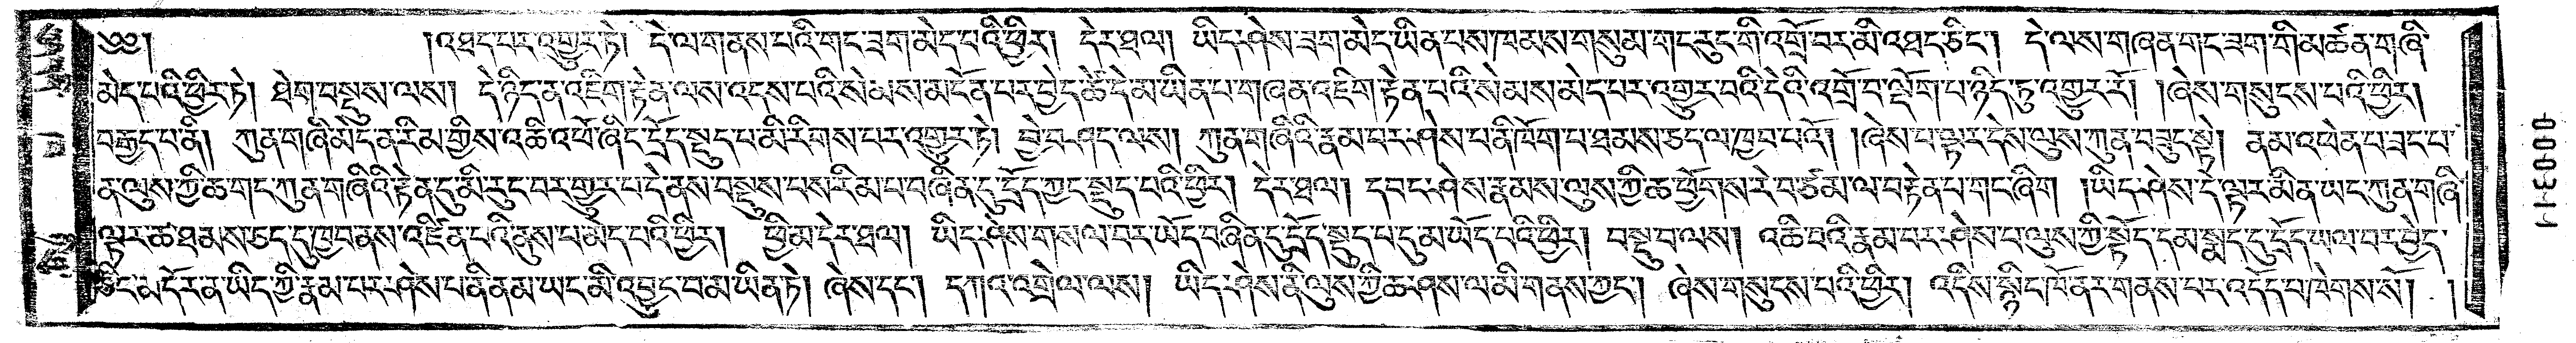༄༅། །འཐད་པར་འགྱུར་ཏེ། དེ་ལ་གནས་པའི་གང་ཟག་མེད་པའི་ཕྱིར། དེར་ཐལ། ཡིད་ཤེས་ཟག་མེད་ཡིན་པས་ཁམས་གསུམ་གང་རུང་གི་འགྲོ་བར་མི་འཐད་ཅིང་། དེ་ལས་གཞན་གང་ཟག་གི་མཚན་གཞི་
མེད་པའི་ཕྱིར་ཏེ། ཐེག་བསྡུས་ལས། དེ་ཉིད་ན་འཇིག་རྟེན་ལས་འདས་པའི་སེམས་མངོན་པར་བྱེད་ཚེ་དེ་མ་ཡིན་པ་གཞན་འཇིག་རྟེན་པའི་སེམས་མེད་པར་འགྱུར་བའི་དེའི་འགྲོ་བ་ལྡོག་པ་ཉིད་དུ་འགྱུར་རོ། །ཞེས་གསུངས་པའི་ཕྱིར།
བརྒྱད་པ་ནི། ཀུན་གཞི་མེད་ན་རིམ་གྱིས་འཆི་འཕོ་ཞིང་དྲོད་སྡུད་པ་མི་རིགས་པར་འགྱུར་ཏེ། བྱེ་བཤད་ལས། ཀུན་གཞིའི་རྣམ་པར་ཤེས་པ་ནི་ཁོག་པ་ཐམས་ཅད་ལ་ཁྱབ་པའོ། །ཞེས་པ་ལྟར་དེས་ལུས་ཀུན་བཟུང་སྟེ། ནམ་འཕེན་པ་ཟད་པ་
ན་ལུས་ཀྱི་ཆ་གང་ཀུན་གཞིའི་རྟེན་དུ་མི་རུང་བར་གྱུར་པ་དེ་ནས་བསྡུས་པས་རིམ་པ་བཞིན་དུ་དྲོད་ཀྱང་སྡུད་པའི་ཕྱིར། དེར་ཐལ། དཔལ་ཤེས་རྣམས་ལུས་ཀྱི་ཆ་ཕྱོགས་རེ་བ་ཙམ་ལ་བརྟེན་པ་གང་ཞིག །ཡིད་ཤེས་དེ་ལྟར་མིན་ཡང་ཀུན་གཞི་
ལྟར་ཆ་ཐམས་ཅད་དུ་ཁྱབ་ནས་འཛིན་པའི་ནུས་པ་མེད་པའི་ཕྱིར། ཕྱི་མ་དེར་ཐལ། ཡིད་ཤེས་གསལ་བར་ཡོད་བཞིན་དུ་དྲོད་སྡུད་པ་དུ་མ་ཡོད་པའི་ཕྱིར། བསྡུ་བ་ལས། འཆི་བའི་རྣམ་པར་ཤེས་པ་ལུས་ཀྱི་སྟོད་དམ་སྨད་དུ་དྲོད་ཡལ་བར་བྱེད་
ཅིང་མདོར་ན་ཡིད་ཀྱི་རྣམ་བར་ཤེས་པ་ནི་ནམ་ཡང་མི་འབྱུང་བ་མ་ཡིན་ཏེ། ཞེས་དང་། དཀའ་འགྲེལ་ལས། ཡིད་ཤེས་ནི་ལུས་ཀྱི་ཆ་ཤས་ལ་མི་གནས་ཀྱང་། ཞེས་གསུངས་པའི་ཕྱིར། འདིས་སྙིང་ཁོ་ནར་གནས་པར་འདོད་བ་ཁེགས་སོ། །